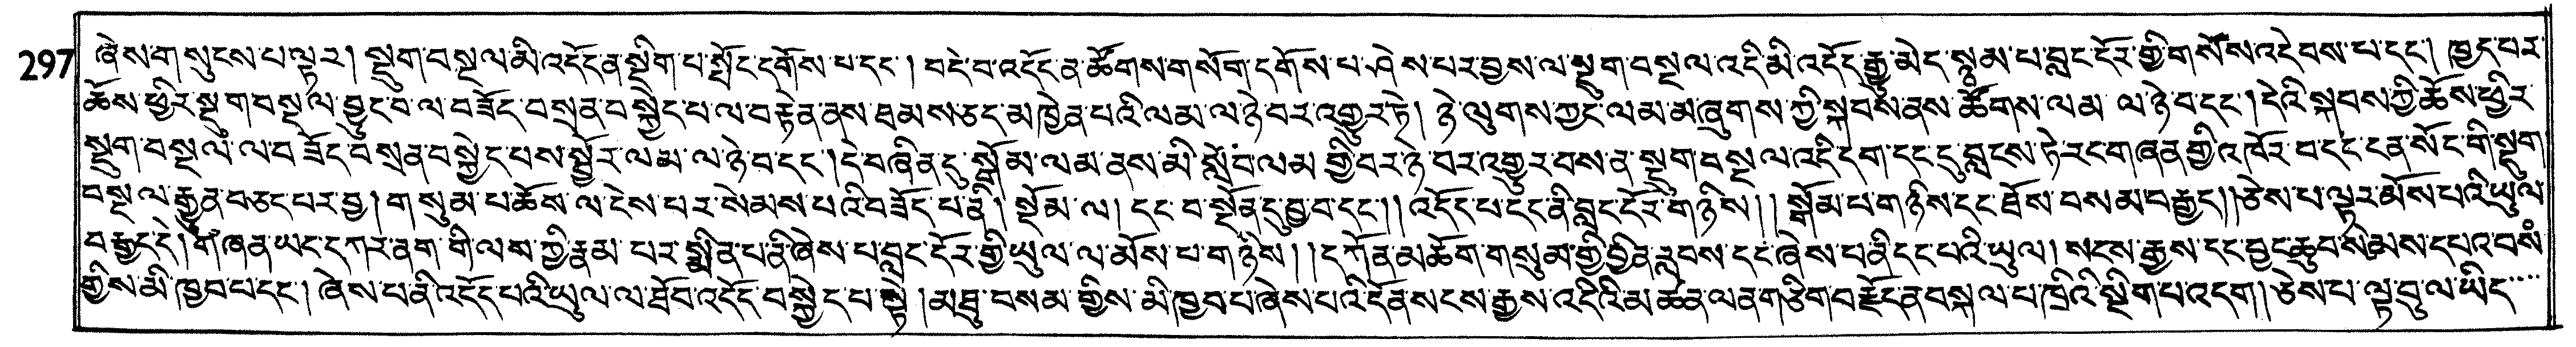ཞེས་གསུངས་པ་ལྟར། སྡུག་བསྔལ་མི་འདོད་ན་སྡིག་པ་སྤོང་དགོས་པ་དང་། བདེ་བ་འདོད་ན་ཚོགས་གསོག་དགོས་པ་ཤེས་པར་བྱས་ལ་སྡུག་བསྔལ་འདི་མི་འདོད་རྒྱུ་མེད་སྙམ་པ་བླང་དོར་གྱི་གསོས་འདེབས་པ་དང་། ཁྱད་པར་
ཆོས་ཕྱིར་སྡུག་བསྔལ་བྱུང་བ་ལ་བཟོད་བསྲན་བསྐྱེད་པ་ལ་བརྟེན་ནས་ཐམས་ཅད་མཁྱེན་པའི་ལམ་ལ་ཉེ་བར་འགྱུར་ཏེ། ཉེ་ལུགས་ཀྱང་ལམ་མ་ཞུགས་ཀྱི་སྐབས་ནས་ཚོགས་ལམ་ལ་ཉེ་བ་དང་།དེའི་སྐབས་ཀྱི་ཆོས་ཕྱིར་
སྡུག་བསྔལ་ལ་བཟོད་བསྲན་བསྐྱེད་པས་སྦྱོར་ལམ་ལ་ཉེ་བ་དང་། དེ་བཞིན་དུ་སྒོམ་ལམ་ནས་མི་སློབ་ལམ་གྱི་བར་ཉེ་བར་འགྱུར་བས་ན་སྡུག་བསྔལ་འདི་དག་དང་དུ་བླངས་ཏེ་རང་གཞན་གྱི་འཁོར་བ་དང་ངན་སོང་གི་སྡུག་
བསྔལ་རྒྱུན་བཅད་པར་བྱ། གསུམ་པ་ཆོས་ལ་ངེས་པར་སེམས་པའི་བཟོད་པ་ནི། སྡོམ་ལ། དང་བ་སྔོན་དུ་བྱ་བ་དང་། །འདོད་པ་དང་ནི་བླང་དོར་གཉིས། །སྒོམ་པ་གཉིས་དང་ཐོས་བསམ་བརྒྱད། །ཅེས་པ་ལྟར་མོས་པའི་ཡུལ་
བརྒྱད་དེ། གཞན་ཡང་དཀར་ནག་གི་ལས་ཀྱི་རྣམ་པར་སྨིན་པ་ནི་ཞེས་པ་བླང་དོར་གྱི་ཡུལ་ལ་མོས་པ་གཉིས། །དཀོན་མཆོག་གསུམ་གྱི་བྱིན་རླབས་དང་ཞེས་པ་ནི་དང་པའི་ཡུལ། སངས་རྒྱས་དང་བྱང་ཆུབ་སེམས་དཔའ་བསམ་
གྱིས་མི་ཁྱབ་པ་དང་། ཞེས་པ་ནི་འདོད་པའི་ཡུལ་ལ་ཐོབ་འདོད་བསྐྱེད་པ་སྟེ། མཐུ་བསམ་གྱིས་མི་ཁྱབ་པ་ཞེས་པའི་དོན་སངས་རྒྱས་འདིའི་མཚན་ལན་གཅིག་བརྗོད་ན་བསྐལ་པ་ཁྲིའི་སྡིག་པ་འདག །ཅེས་པ་ལྟ་བུ་ལ་ཡིད་